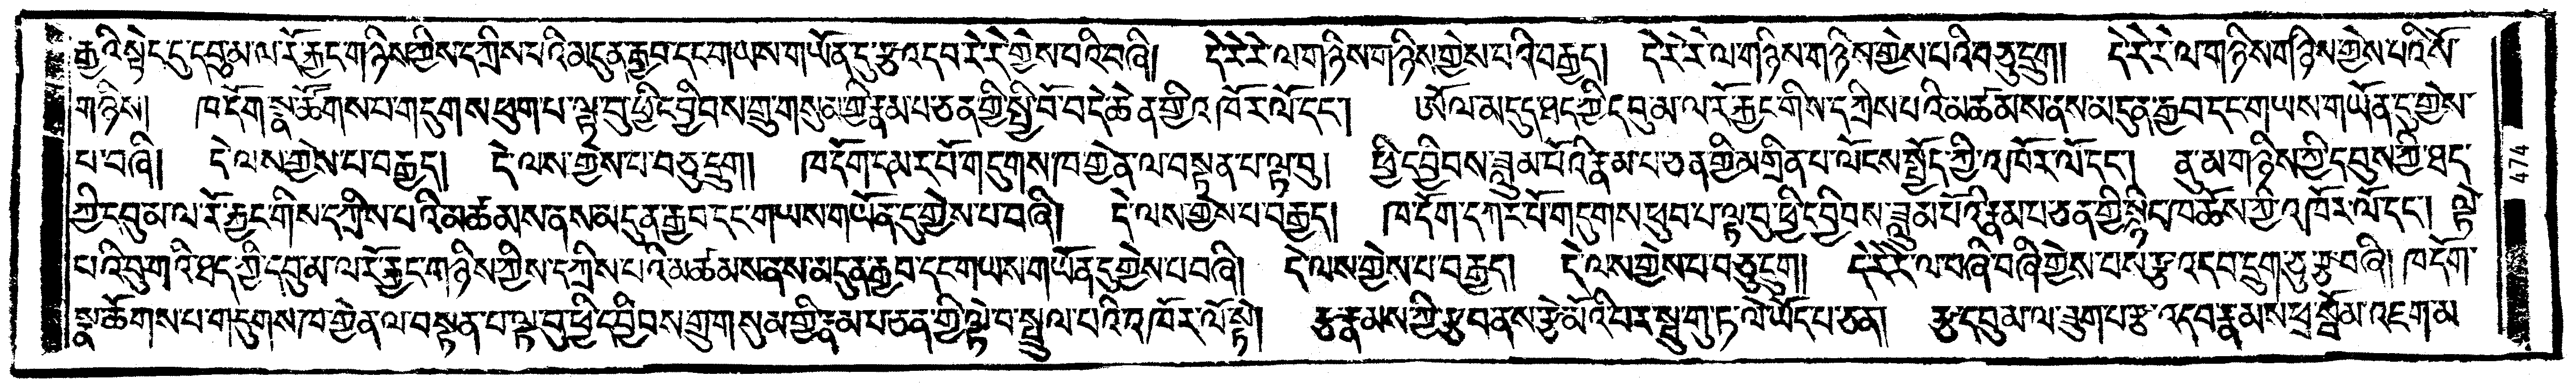རྒྱའི་སྟེང་དུ་དབུ་མ་ལ་རོ་རྐྱང་གཉིས་ཀྱིས་དཀྲིས་པའི་མདུན་རྒྱབ་དང་གཡས་གཡོན་དུ་རྩ་འདབ་རེ་རེ་གྱེས་བའི་བཞི། དེ་རེ་རེ་ལ་གཉིས་གཉིས་གྱེས་པའི་བརྒྱད། དེ་རེ་རེ་ལ་གཉིས་གཉིས་གྱེས་པའི་བཅུ་དྲུག། དེ་རེ་རེ་ལ་གཉིས་གཉིས་གྱེས་པའི་སོ་
གཉིས། ཁ་དོག་སྣ་ཚོགས་པ་གདུགས་ཕུག་པ་ལྟ་བུ་ཕྱི་དབྱིབས་གྲུ་གསུམ་གྱི་རྣམ་པ་ཅན་གྱི་སྤྱི་བོ་བདེ་ཆེན་གྱི་འཁོར་ལོ་དང་། ཨོལ་མདུད་ཐད་ཀྱི་དབུ་མ་ལ་རོ་རྐྱང་གིས་དཀྲིས་པའི་མཚམས་ནས་མདུན་རྒྱབ་དང་གཡས་གཡོན་དུ་གྱེས་
པ་བཞི། དེ་ལས་གྱེས་པ་བརྒྱད། དེ་ལས་གྱེས་པ་བཅུ་དྲུག། ཁ་དོག་དམར་པོ་གདུགས་ཁ་གྱེན་ལ་བསྟན་པ་ལྟ་བུ། ཕྱི་དབྱིབས་ཟླུམ་པོའི་རྣམ་པ་ཅན་གྱི་མགྲིན་པ་ལོངས་སྤྱོད་ཀྱི་འཁོར་ལོ་དང་། ནུ་མ་གཉིས་ཀྱི་དབུས་ཀྱི་ཐད་
ཀྱི་དབུ་མ་ལ་རོ་རྐྱང་གིས་དཀྲིས་པའི་མཚམས་ནས་མདུན་རྒྱབ་དང་གཡས་གཡོན་དུ་གྱེས་པ་བཞི། དེ་ལས་གྱེས་པ་བརྒྱད། ཁ་དོག་དཀར་པོ་གདུགས་ཕུབ་པ་ལྟ་བུ་ཕྱི་དབྱིབས་ཟླུམ་པོའི་རྣམ་པ་ཅན་གྱི་སྙིང་ཁ་ཆོས་ཀྱི་འཁོར་ལོ་དང་། ལྟེ་
བའི་བུ་གའི་ཐད་ཀྱི་དབུ་མ་ལ་རོ་རྐྱང་གཉིས་ཀྱིས་དཀྲིས་པའི་མཚམས་ནས་མདུན་རྒྱབ་དང་གཡས་གཡོན་དུ་གྱེས་པ་བཞི། དེ་ལས་གྱེས་པ་བརྒྱད། དེ་ལས་གྱེས་པ་བཅུ་དྲུག། དེ་རེ་རེ་ལ་བཞི་བཞི་གྱེས་པས་རྩ་འདབ་དྲུག་ཅུ་རྩ་བཞི། ཁ་དོག་
སྣ་ཚོགས་པ་གདུགས་ཁ་གྱེན་ལ་བསྟན་པ་ལྟ་བུ་ཕྱི་དབྱིབས་གྲུ་གསུམ་གྱི་རྣམ་པ་ཅན་གྱི་ལྟེ་བ་སྤྲུལ་པའི་འཁོར་ལོ་སྟེ། རྩ་རྣམས་ཀྱི་རྩ་བ་ནས་རྩེ་མོའི་བར་སྦུ་གུ་ཏ་ལེ་ཡོད་པ་ཅན། རྩ་དབུ་མ་ལ་ཟུག་པ་རྩ་འདབ་རྣམས་ཕྲ་སྦོམ་འཇག་མ་